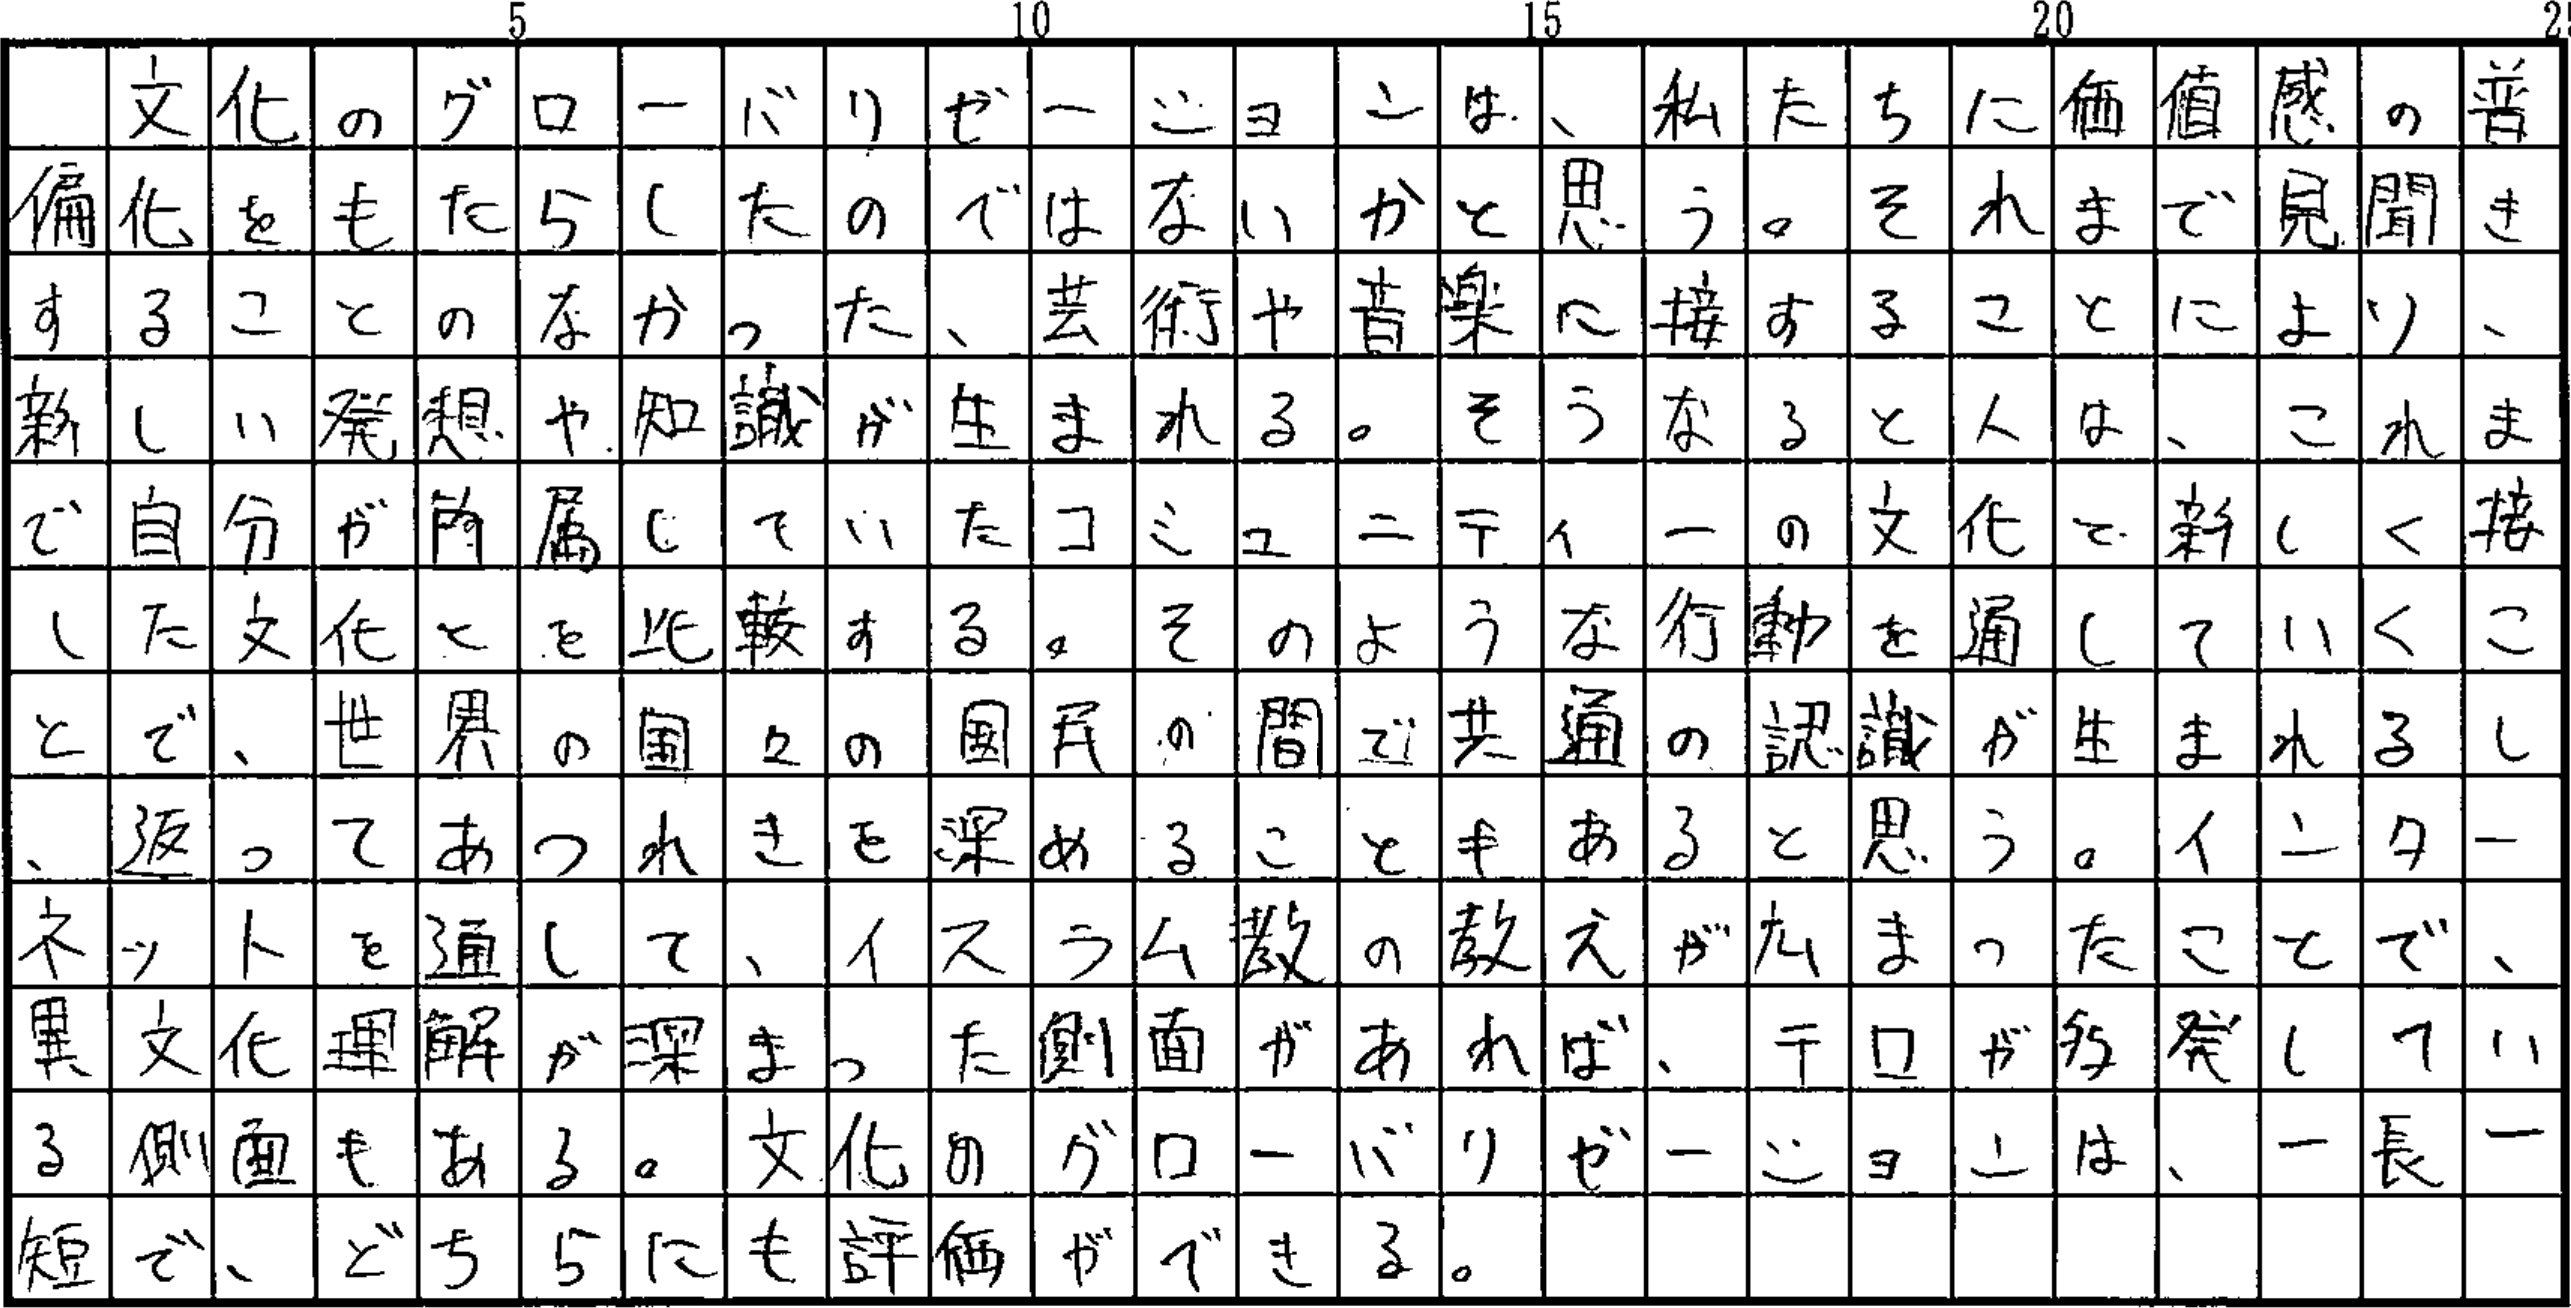　文化のグローバリゼーションは、私たちに価値感の普偏化をもたらしたのではないかと思う。それまで見聞きすることのなかった、芸術や音楽に接することにより、新しい発想や知識が生まれる。そうなると人は、これまで自分が所属していたコミュニティーの文化と新しく接した文化とを比較する。そのような行動を通していくことで、世界の国々の国民の間で共通の認識が生まれるし、返ってあつれきを深めることもあると思う。インターネットを通して、イスラム教の教えが広まったことで、異文化理解が深まった側面があれば、テロが多発している側面もある。文化のグローバリゼーションは、一長一短で、どちらにも評価ができる。
